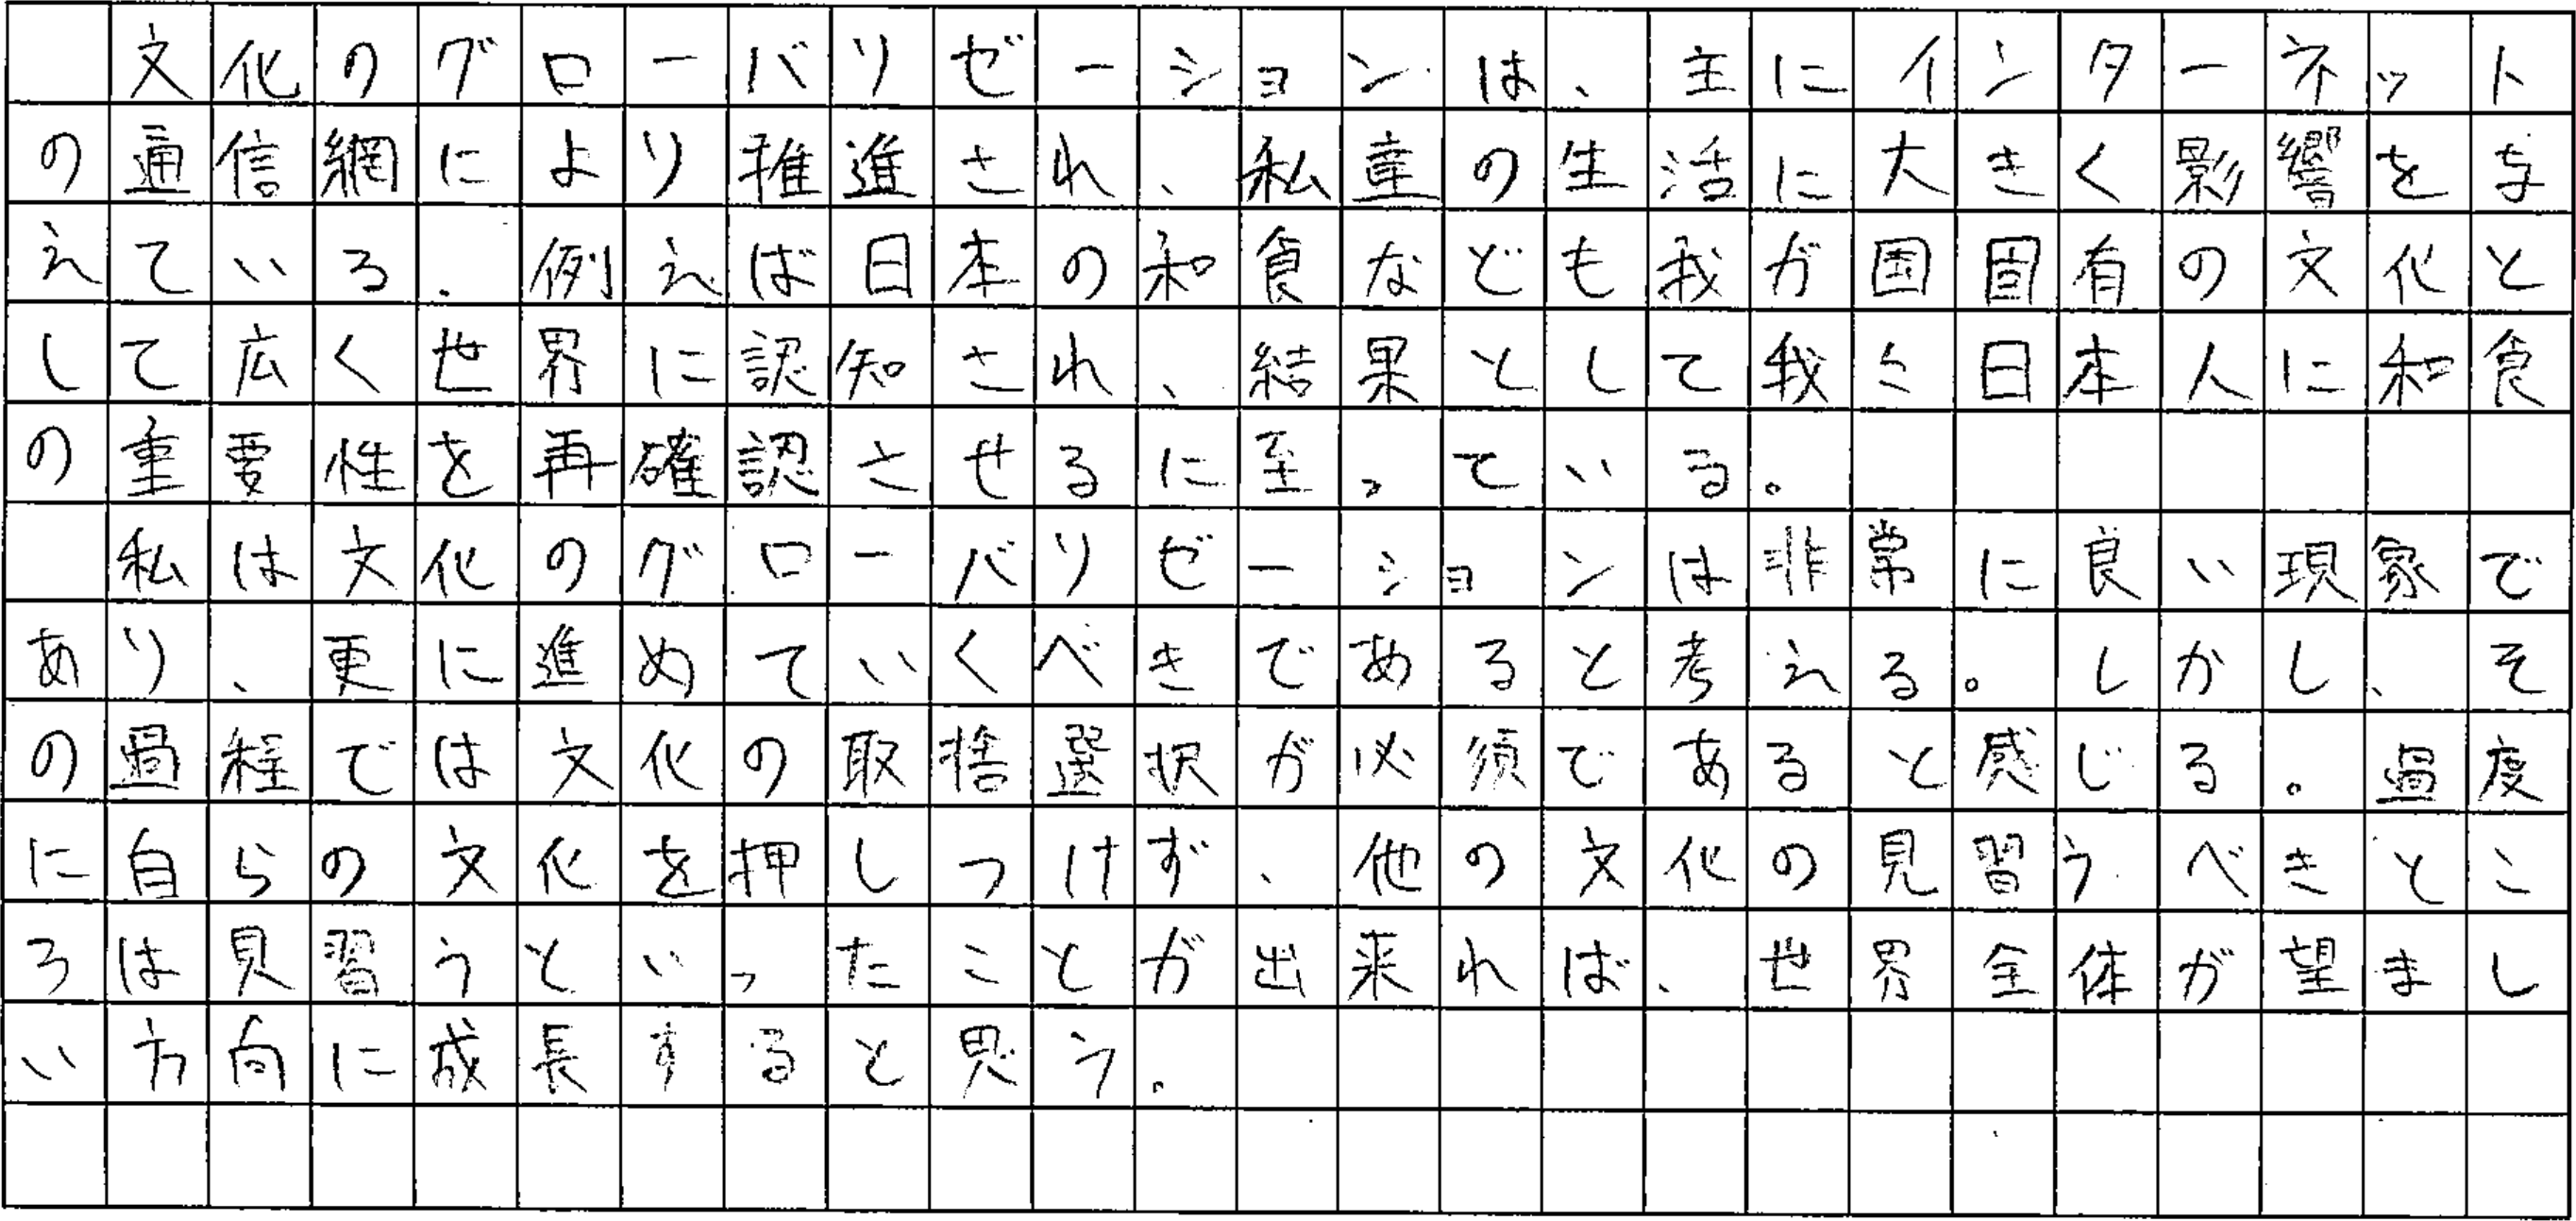　文化のグローバリゼーションは、主にインターネットの通信網により推進され、私達の生活に大きく影響を与えている。例えば日本の和食なども我が国固有の文化として広く世界に認知され、結果として我々日本人に和食の重要性を再確認させるに至っている。
　私は文化のグローバリゼーションは非常に良い現象であり、更に進めていくべきであると考える。しかし、その過程では文化の取捨選択が必須であると感じる。過度に自らの文化を押しつけず、他の文化の見習うべきところは見習うといったことが出来れば、世界全体が望ましい方向に成長すると思う。
